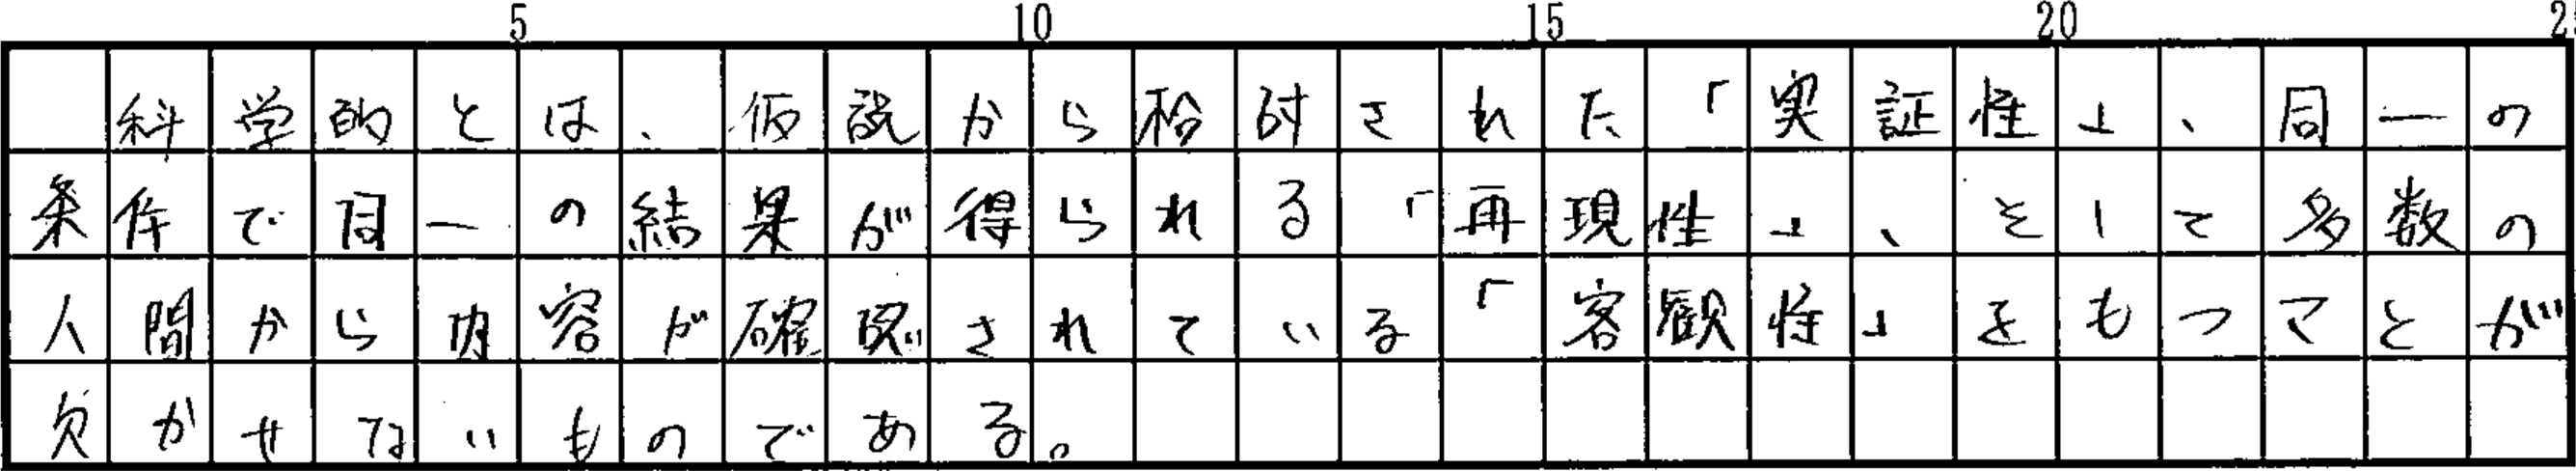　科学的とは、仮説から▁討された「実証性」、同一の条件で同一の結果が得られる「再現性」、そして多数の人間から内容が確認されている「客観性」をもつことが欠かせないものである。
